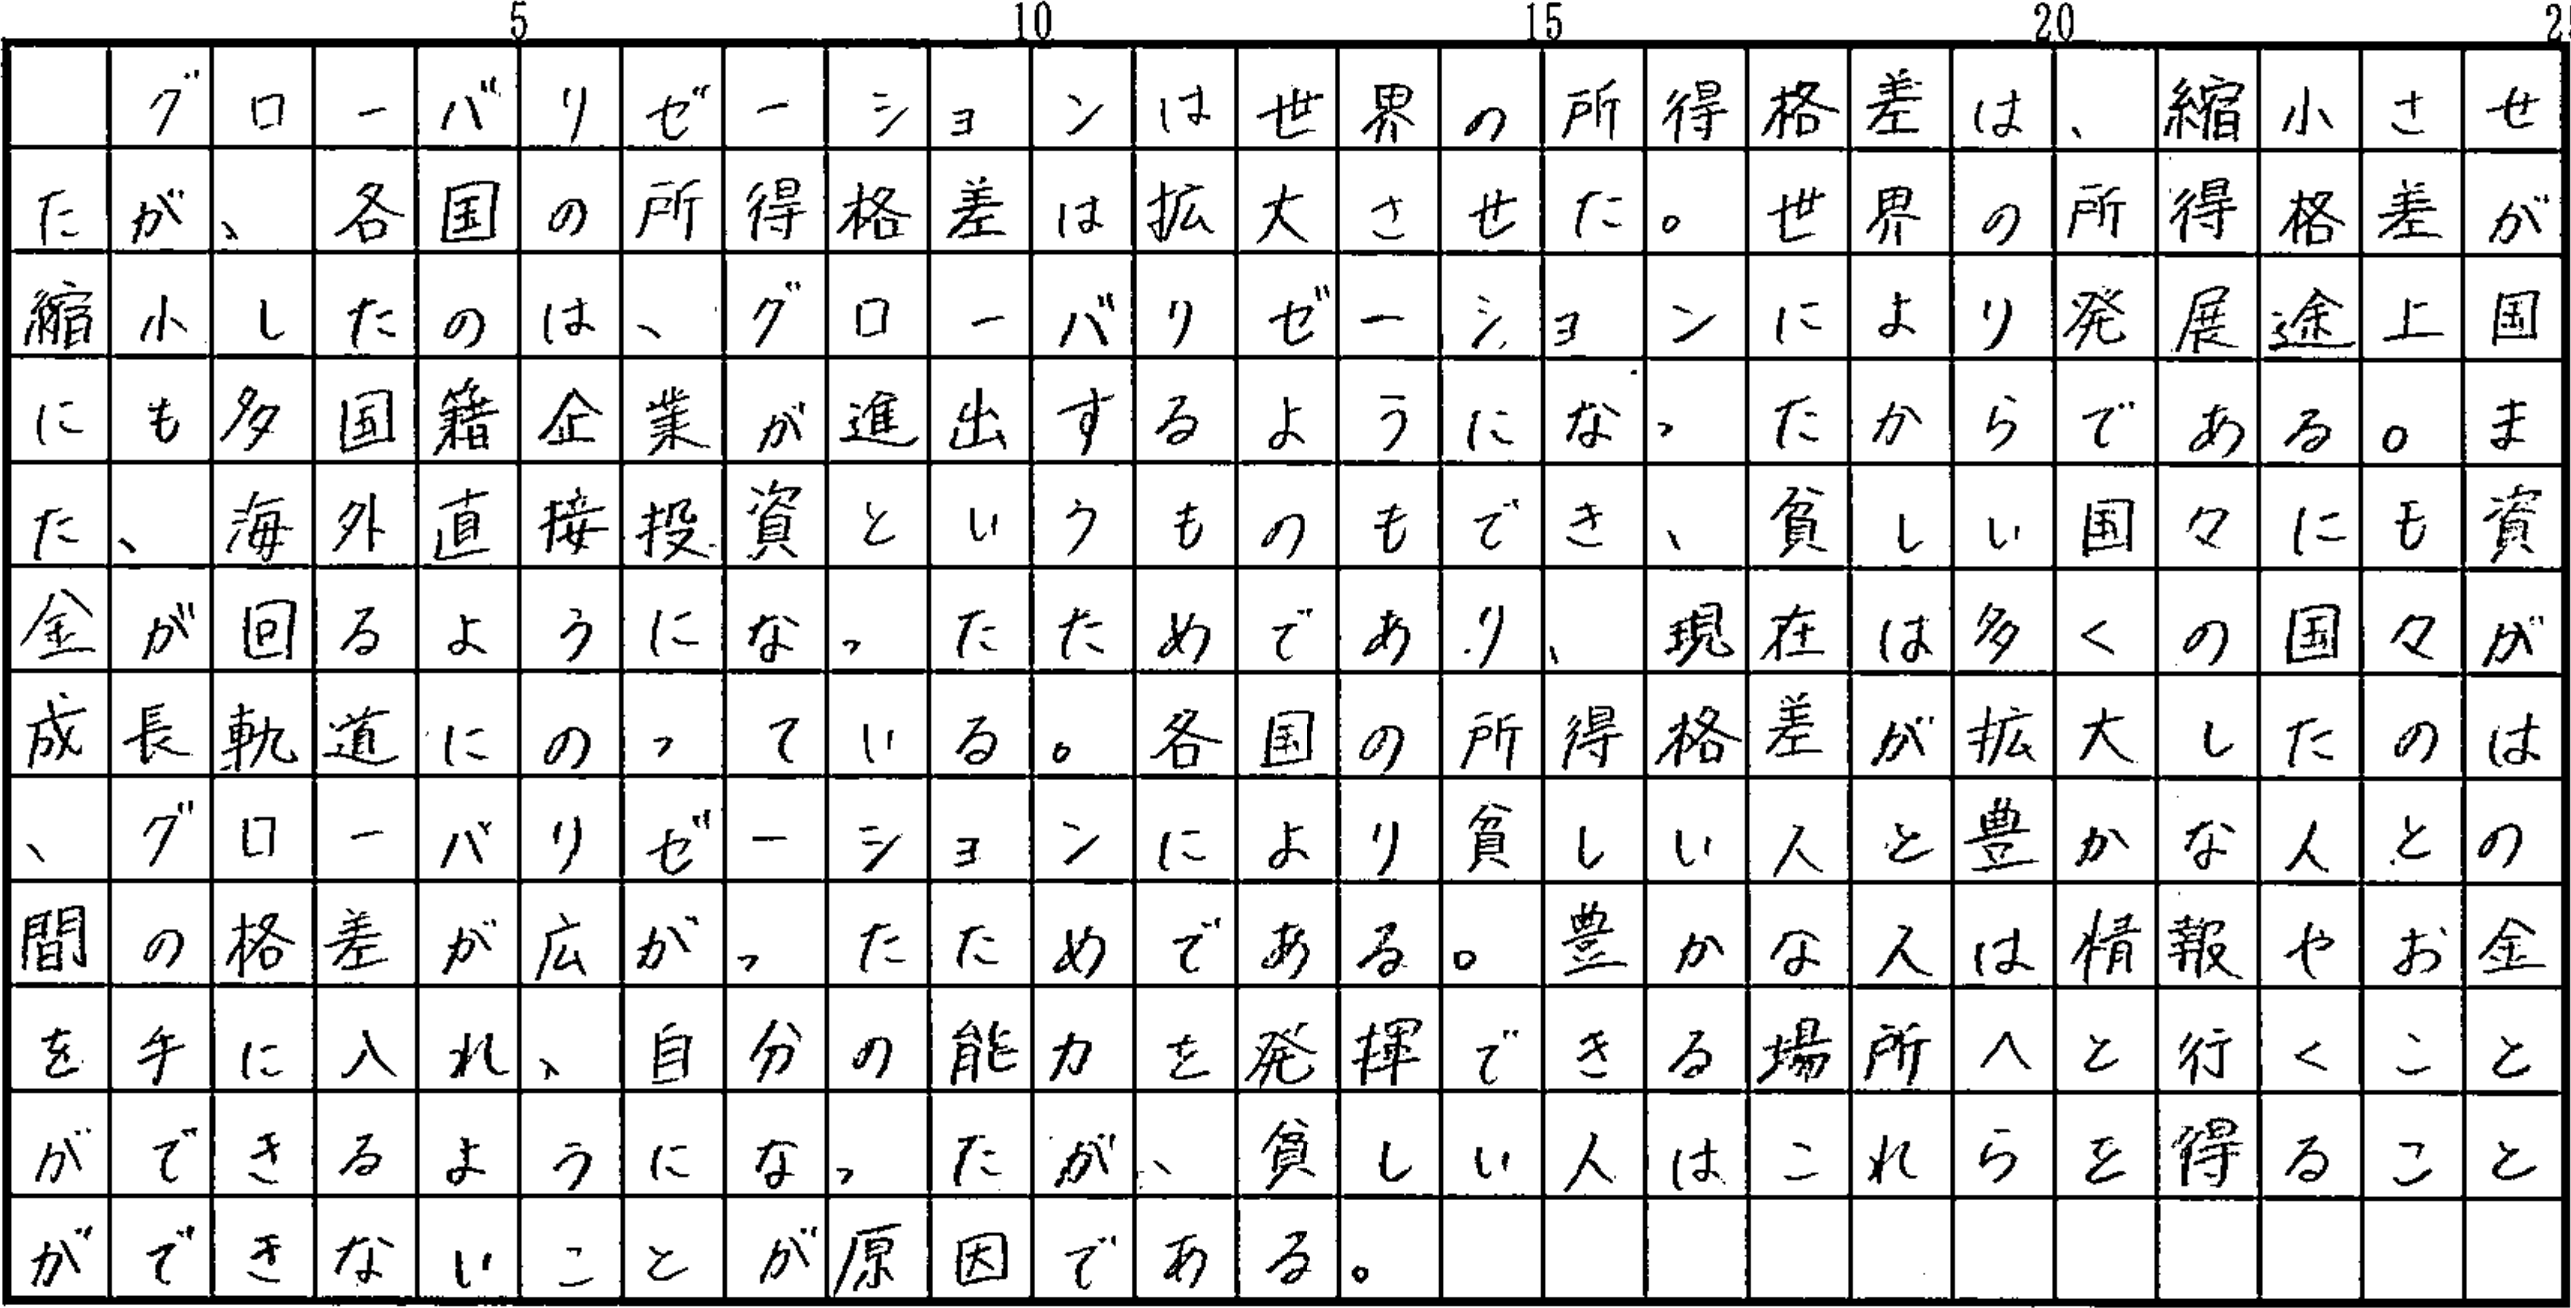　グローバリゼーションは世界の所得格差は、縮小させたが、各国の所得格差は拡大させた。世界の所得格差が縮小したのは、グローバリゼーションにより発展途上国にも多国籍企業が進出するようになったからである。また、海外直接投資というものもでき、貧しい国々にも資金が回るようになったためであり、現在は多くの国々が成長軌道にのっている。各国の所得格差が拡大したのは、グローバリゼーションにより貧しい人と豊かな人との間の格差が広がったためである。豊かな人は情報やお金を手に入れ、自分の能力を発揮できる場所へと行くことができるようになったが、貧しい人はこれらを得ることができないことが原因である。
